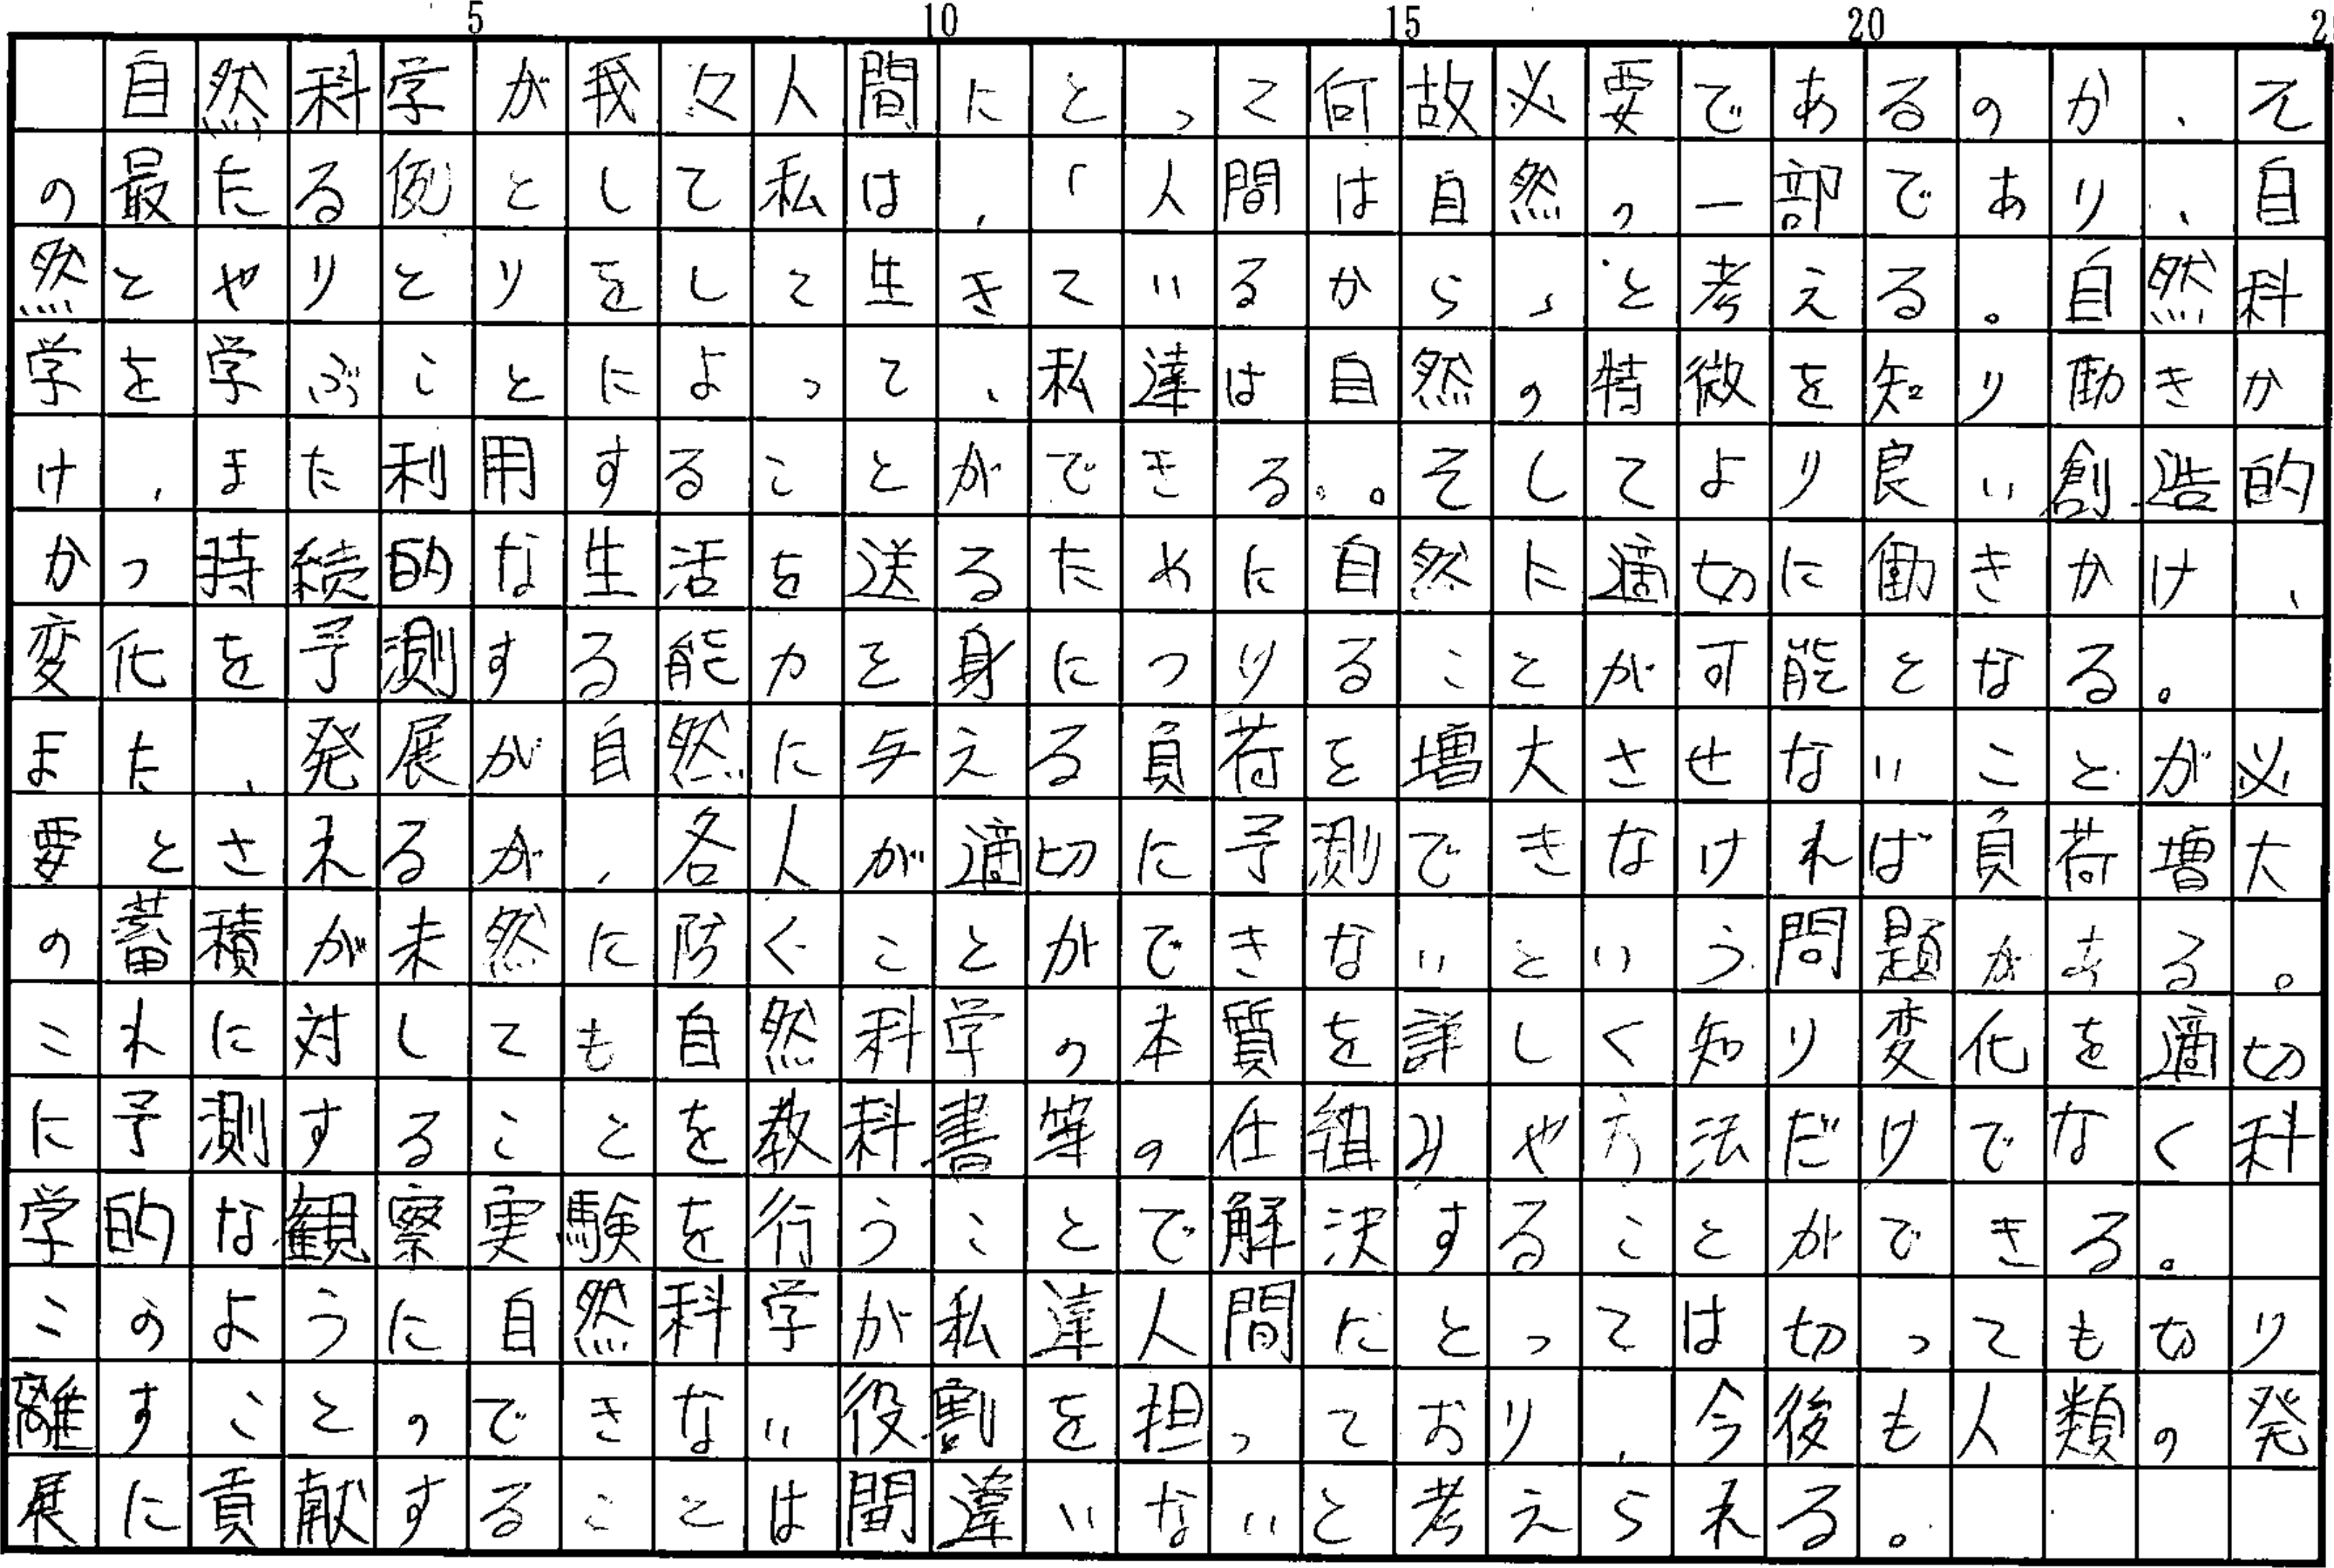　自然科学が我々人間にとって何故必要であるのか、その最たる例として私は、「人間は自然の一部であり、自然とやりとりをして生きているから」と考える。自然科学を学ぶことによって、私達は自然の特微を知り働きかけ、また利用することができる。そしてより良い創造的かつ持続的な生活を送るために自然に適切に働きかけ、変化を予測する能力を身につけることが可能となる。　また、発展が自然に与える負荷を増大させないことが必要とされるが、各人が適切に予測できなければ負荷増大の蓄積が未然に防ぐことができないという問題がある。これに対しても自然科学の本質を詳しく知り変化を適切に予測することを教科書等の仕組みや方法だけでなく科学的な観察実験を行うことで解決することができる。　このように自然科学が私達人間にとっては切っても切り離すことのできない役割を担っており、今後も人類の発展に貢献することは間違いないと考えられる。
